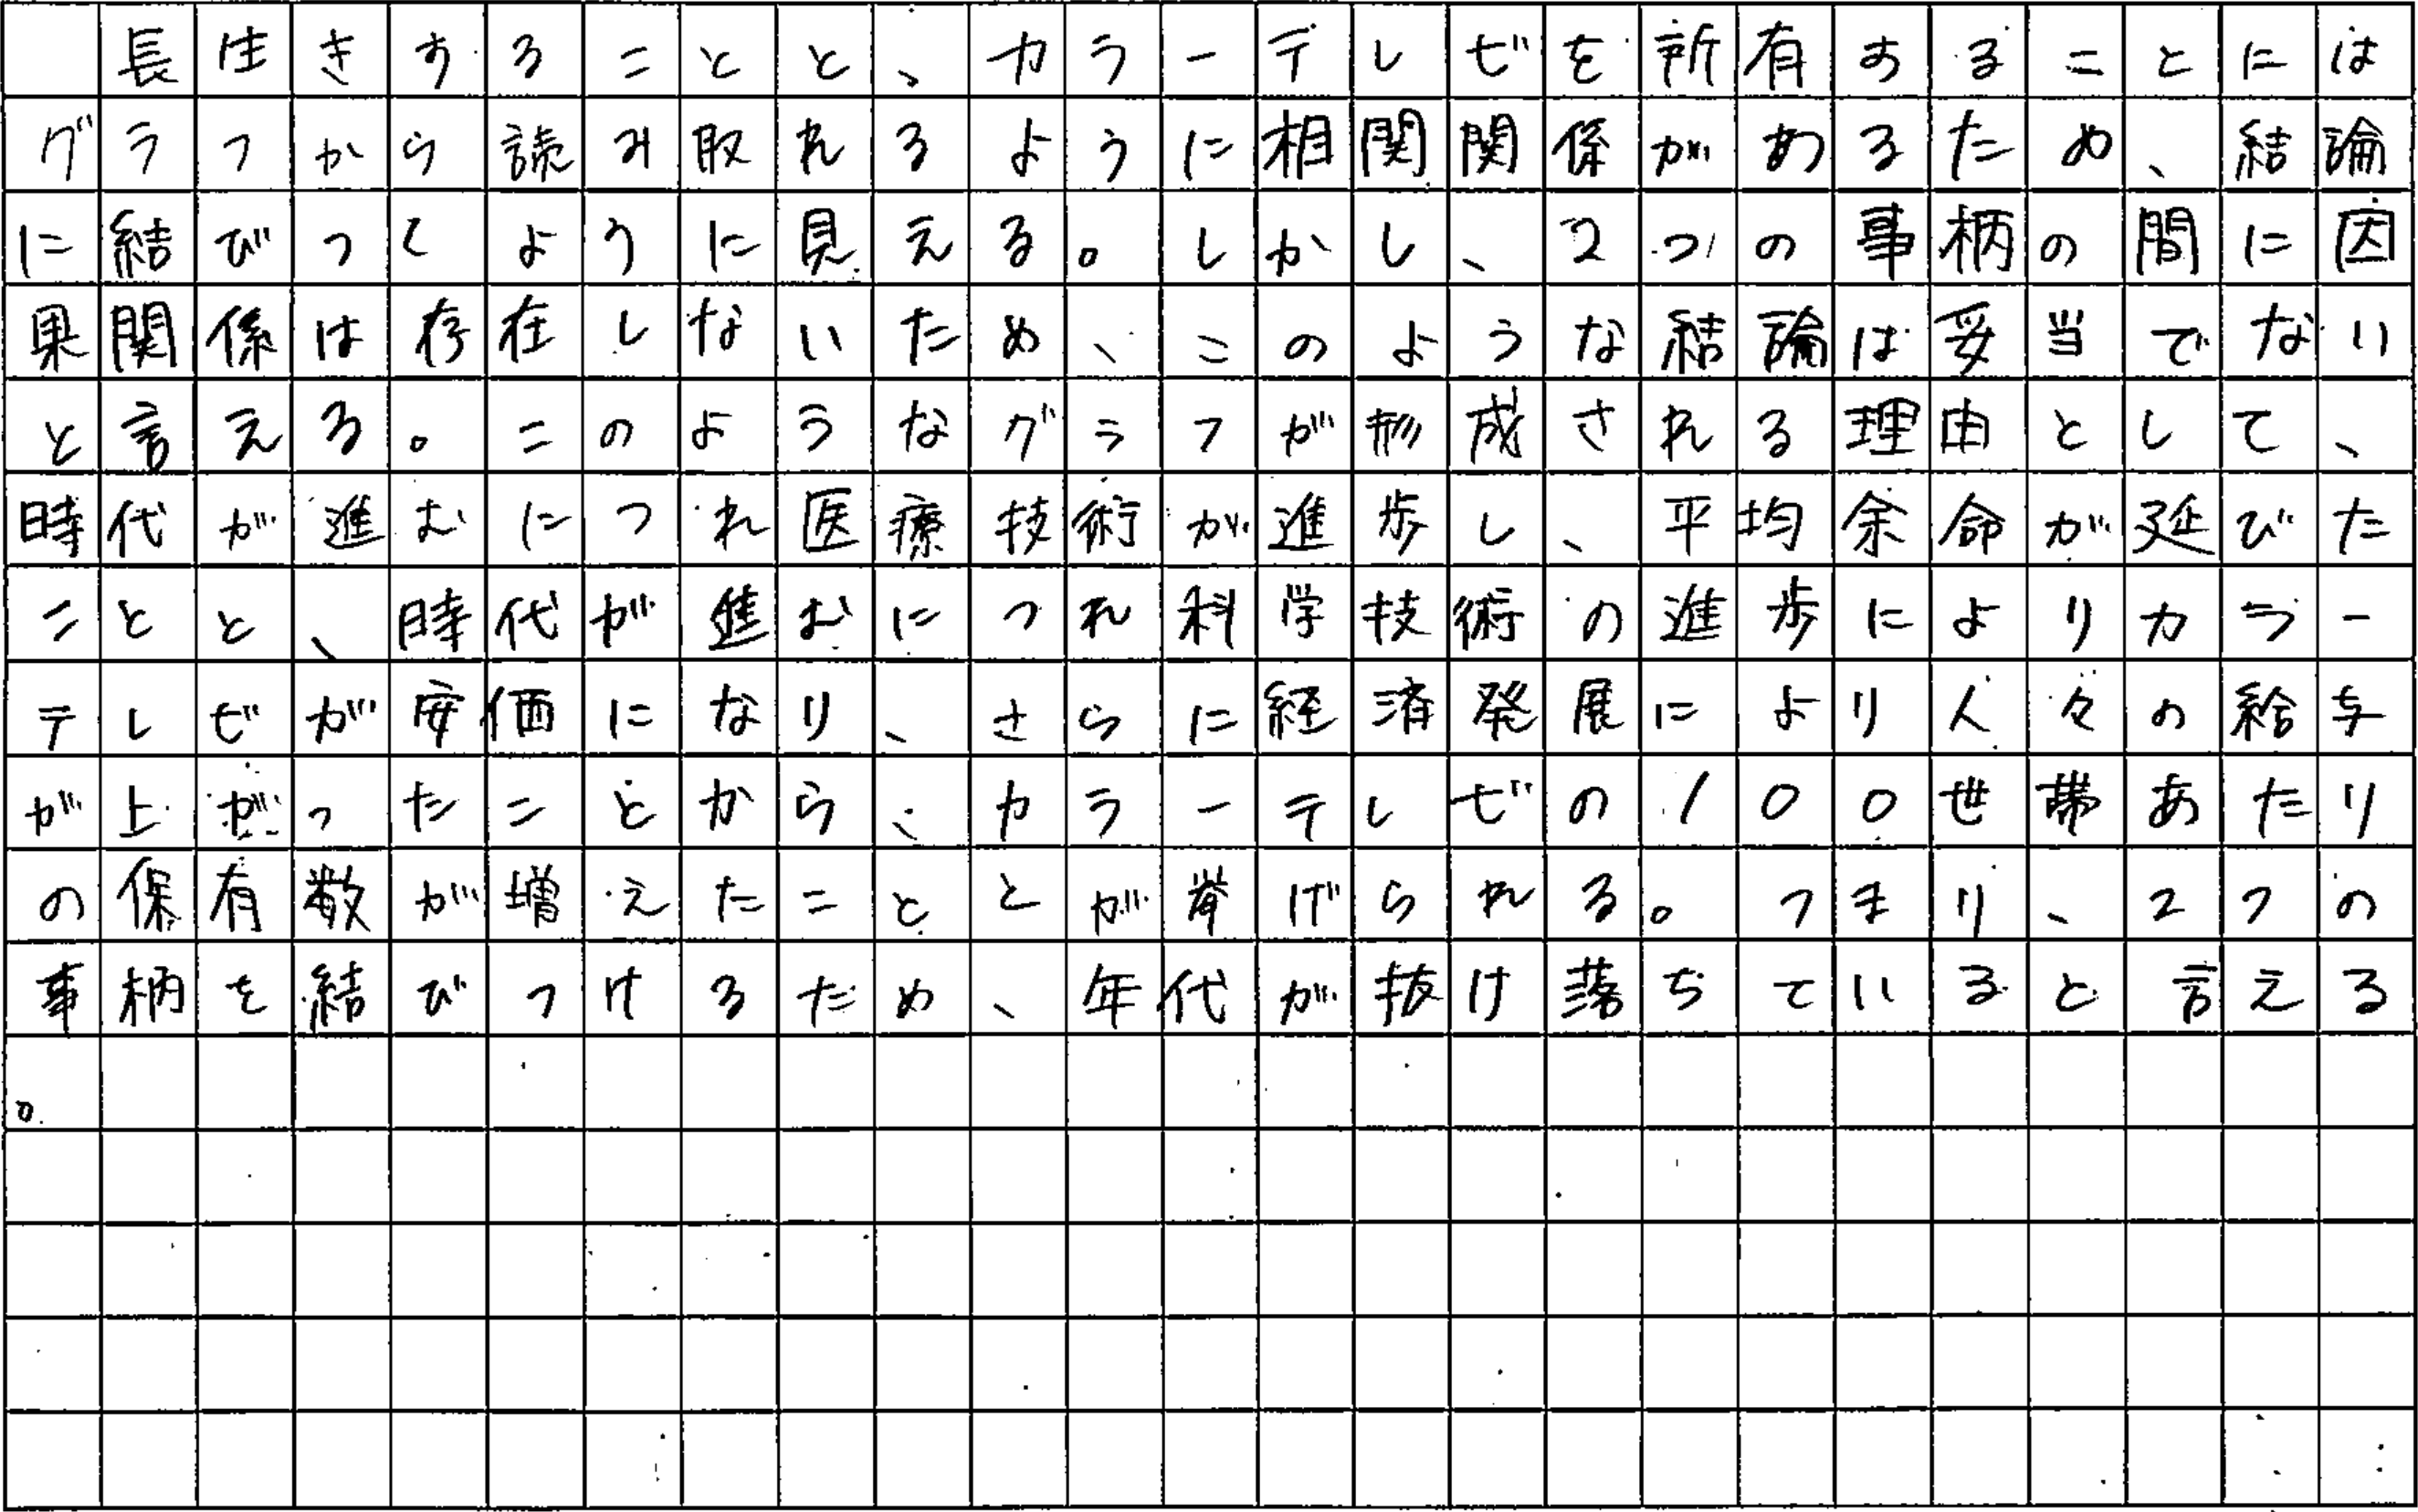　長生きすることと、カラーテレビを所有することにはグラフから読み取れるように相関関係があるため、結論に結びつくように見える。しかし、２つの事柄の間に因果関係は存在しないため、このような結論は妥当でないと言える。このようなグラフが形成される理由として、時代が進むにつれ医療技術が進歩し、平均余命が延びたことと、時代が進むにつれ科学技術の進歩によりカラーテレビが安価になり、さらに経済発展により人々の給与が上がったことから、カラーテレビの１００世帯あたりの保有数が増えたこととが挙げられる。つまり、２つの事柄を結びつけるため、年代が抜け落ちていると言える。
